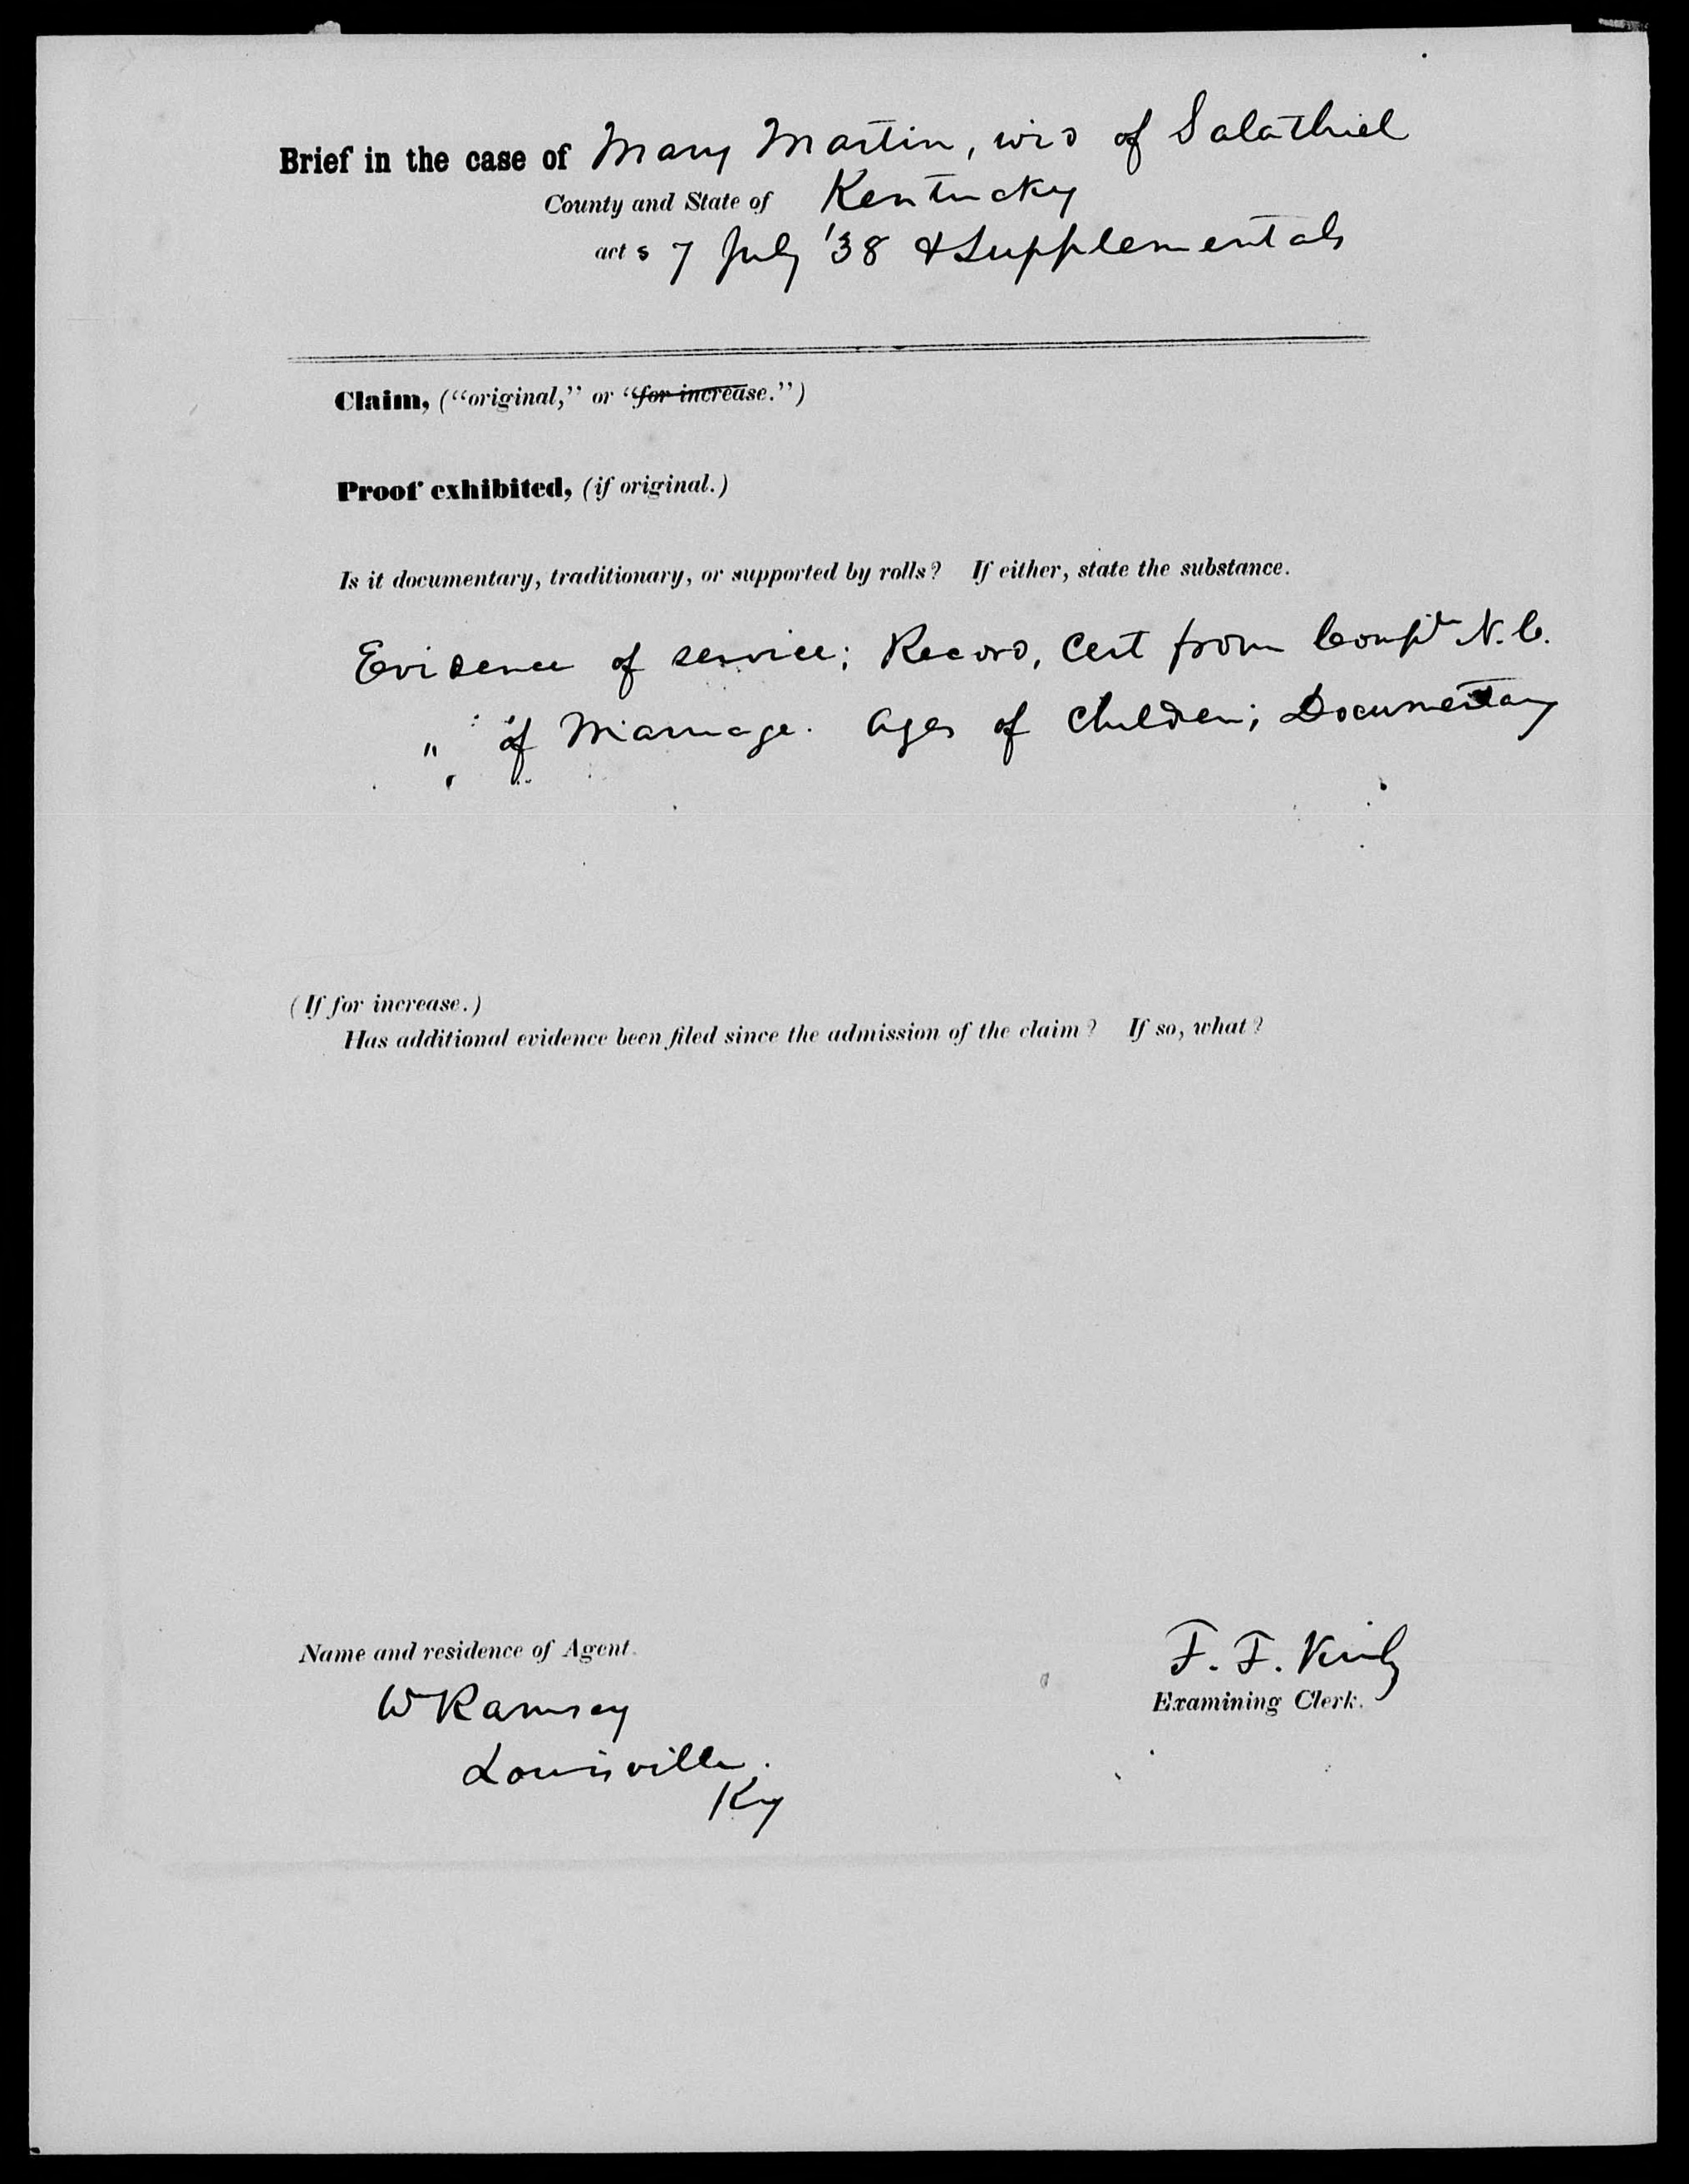[printed form, handwritten responses]
Brief in the case of Mary Martin, wid of Salathiel
County and State of Kentucky
acts 7 July '38 & Supplementals
Claim, ("original," or ['for increase' is crossed out].)
Proof exhibited, (if original.)
Is it documentary, traditionary, or supported by rolls? If either, state the substance.
Evidence of service: Record, Cert from Compt N.C.
of Marriage, ages of children; Documentary
(If for increase.)
Has additional evidence been filed since the admission of the claim? If so, what?
[blank]

F.F. Kelly
Examining Clerk

Name and residence of Agent.
W Ramsey
Louisville
Ky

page: 69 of 120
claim: widow's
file: W. 1044, for Salathiel Martin, North Carolina